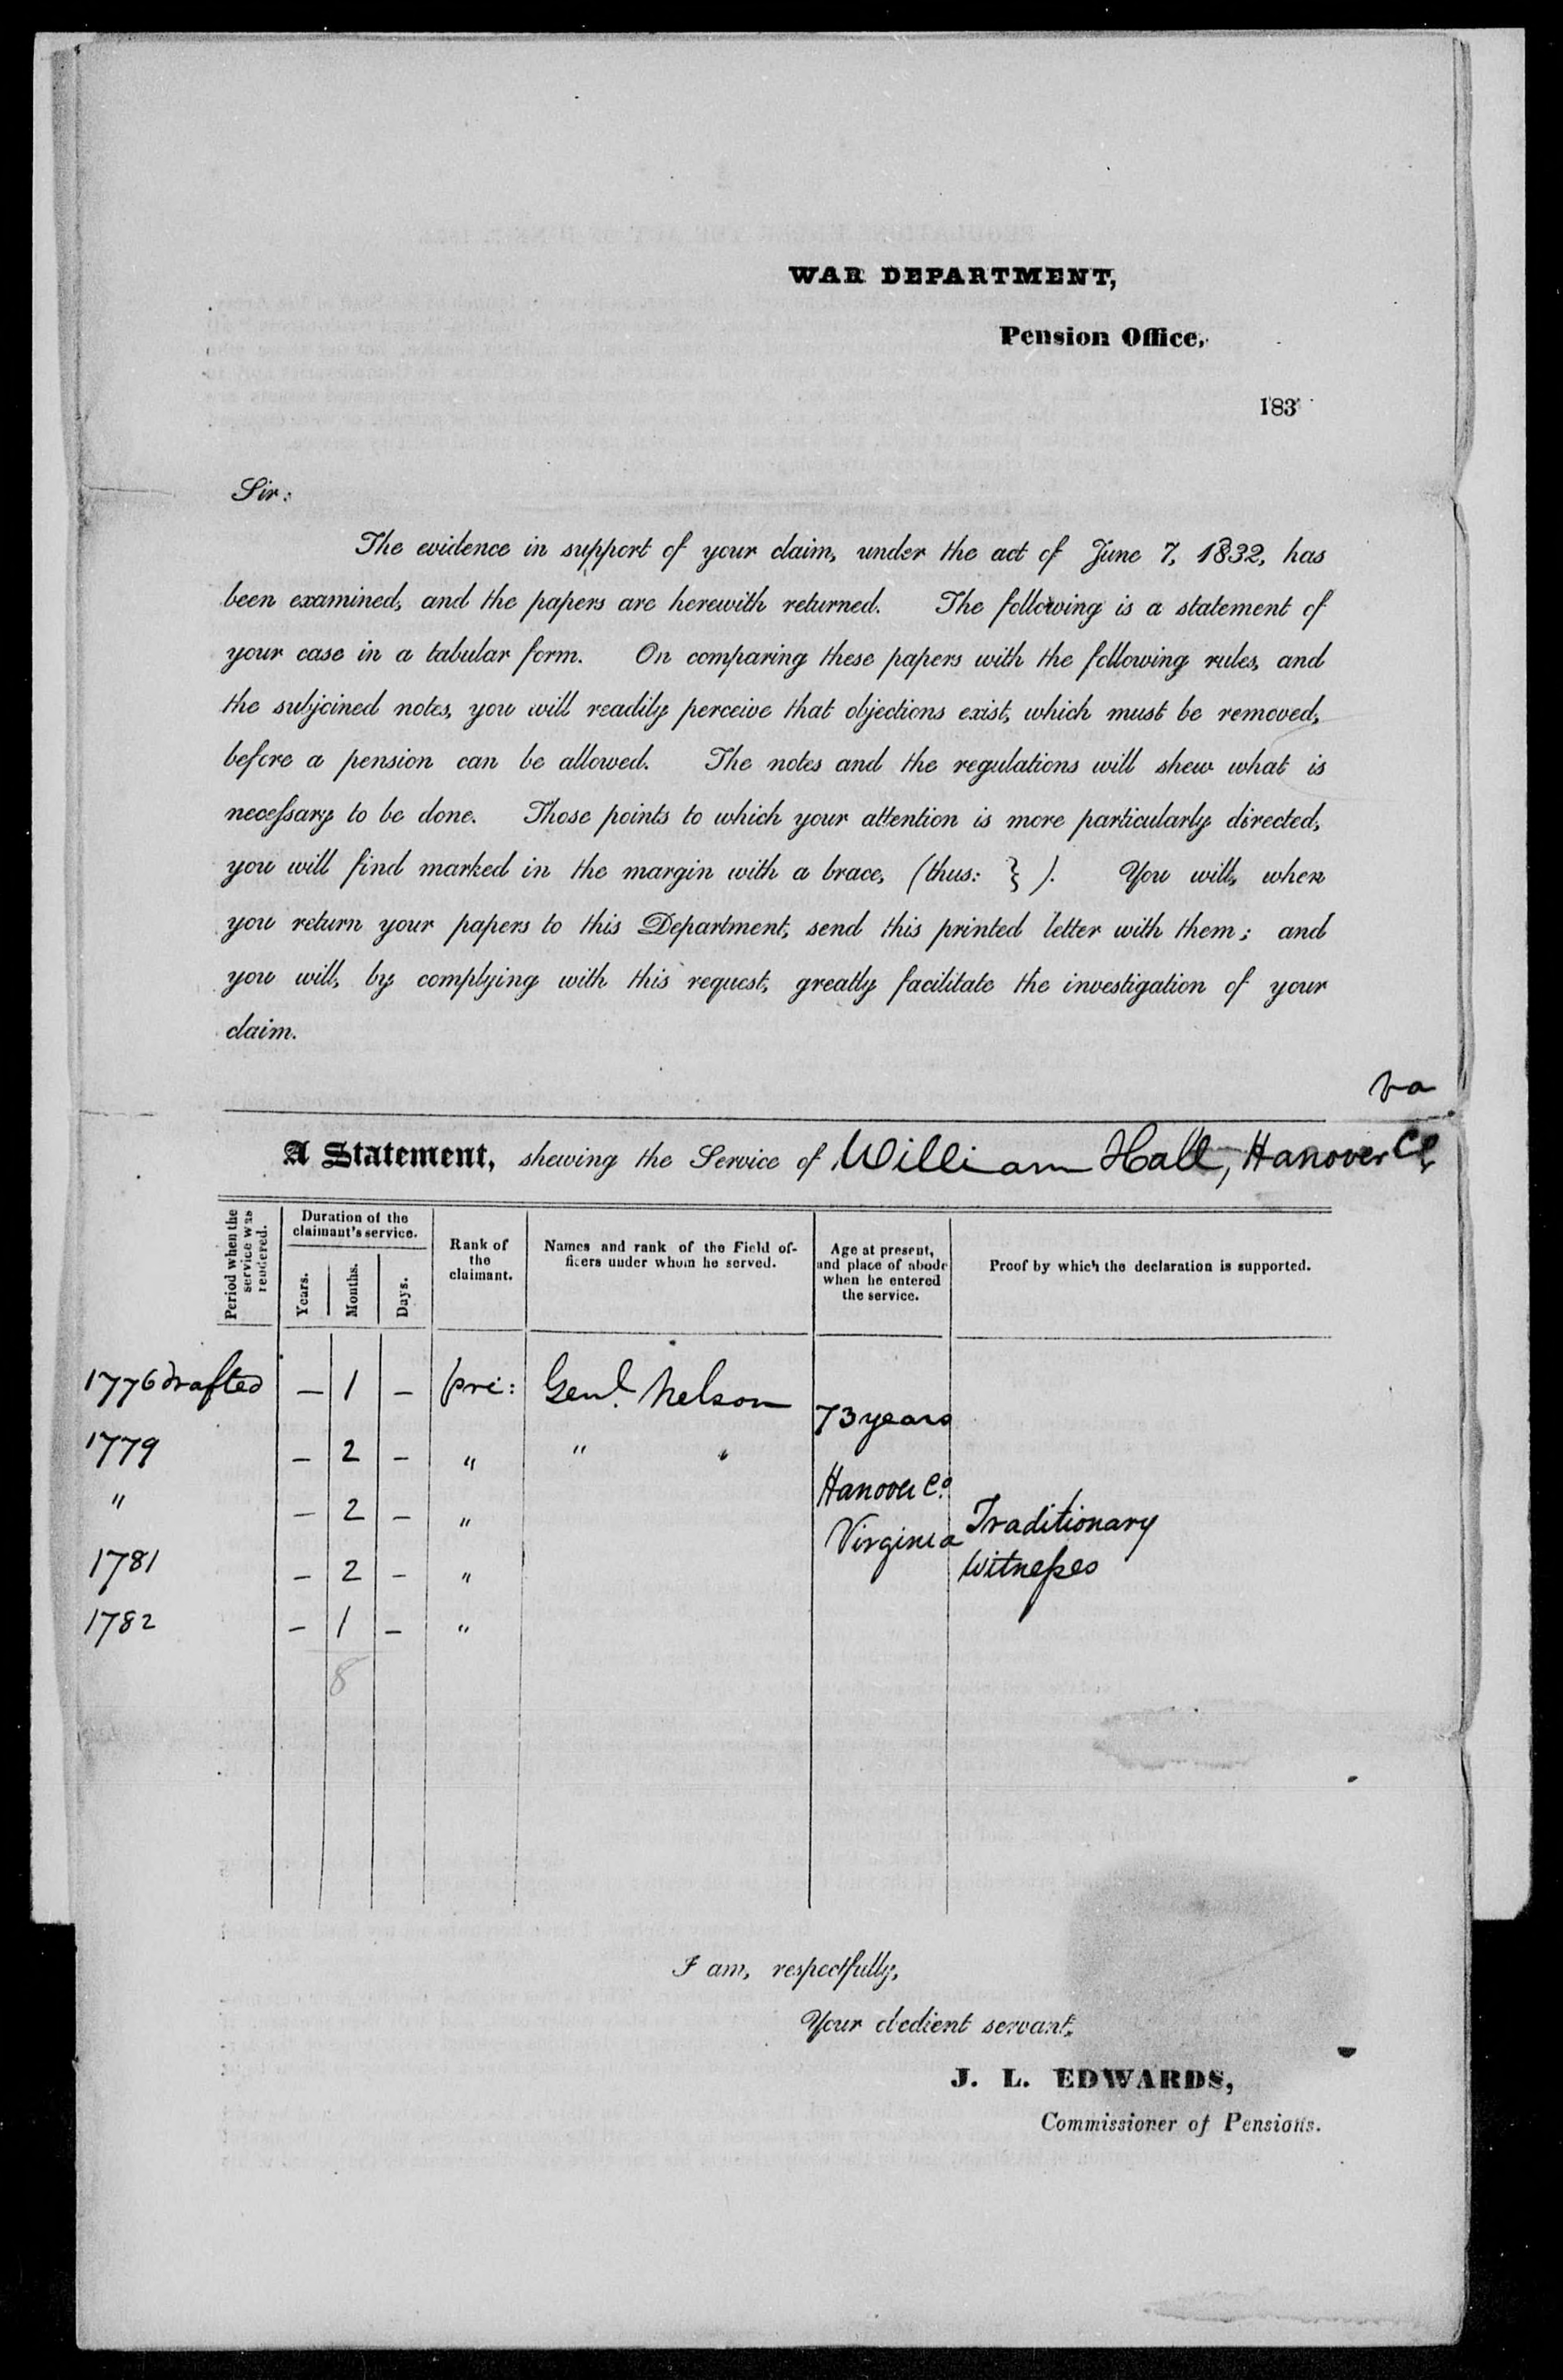WAR DEPARTMENT
Pension Office,
183_

Sir:
The evidence in support of your claim, under the act of June 7, 1832, has been examined, and the papers are herewith returned.  The following is a statement of your case in a tabular form.  On comparing these papers with thye following rules, and the subjoined notes, you will readily perceive that objections exist, which must be removed, before a pension can be allowed.  The notes and the regulations will shew shat is necessary to be done.  These points to which you attention is more particularly directed, you will find marked in the margin with a brace, ()thus: }0. You will, when you return your papers to this Department, send this printed letter with them; and you will, by complying with this request, greatly facilitate the investigation of your claim.

A Statement, shewing the Service or William Halt, Hanover CH Va

Period when the service was rendered,   |   Duration of the claimant's service.   |   Rank of the claimant.   |   Names and rank of the Field officers under whom he served.   |   Age at present, and place of abode when he entered the service.   |   Proof by which the declaration is supported. 

1776 drafted   |   1 Month.   |   pri:   |   Gen'l Nelson   |   73 years   |
1779   |   2 Months.   |   "   |   "  "    |   Hanover Co.  |
   "      |   2 Months.   |   "   |    ___   |  Virginia   | Traditionary Witnesses
1781   |   2 Months.   |   "   |   ___    |       ___      |   
1782   |   1 Months.   |   "   |   ___    |       ___      |

I am, respectfully,
Your obedient servant,
J. L EDWARDS,
Commissioner of Pensions.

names: J L Edwards, William Hall, Nelson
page: 8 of 15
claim: survivor's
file: S. 5475, William Hall, Va.